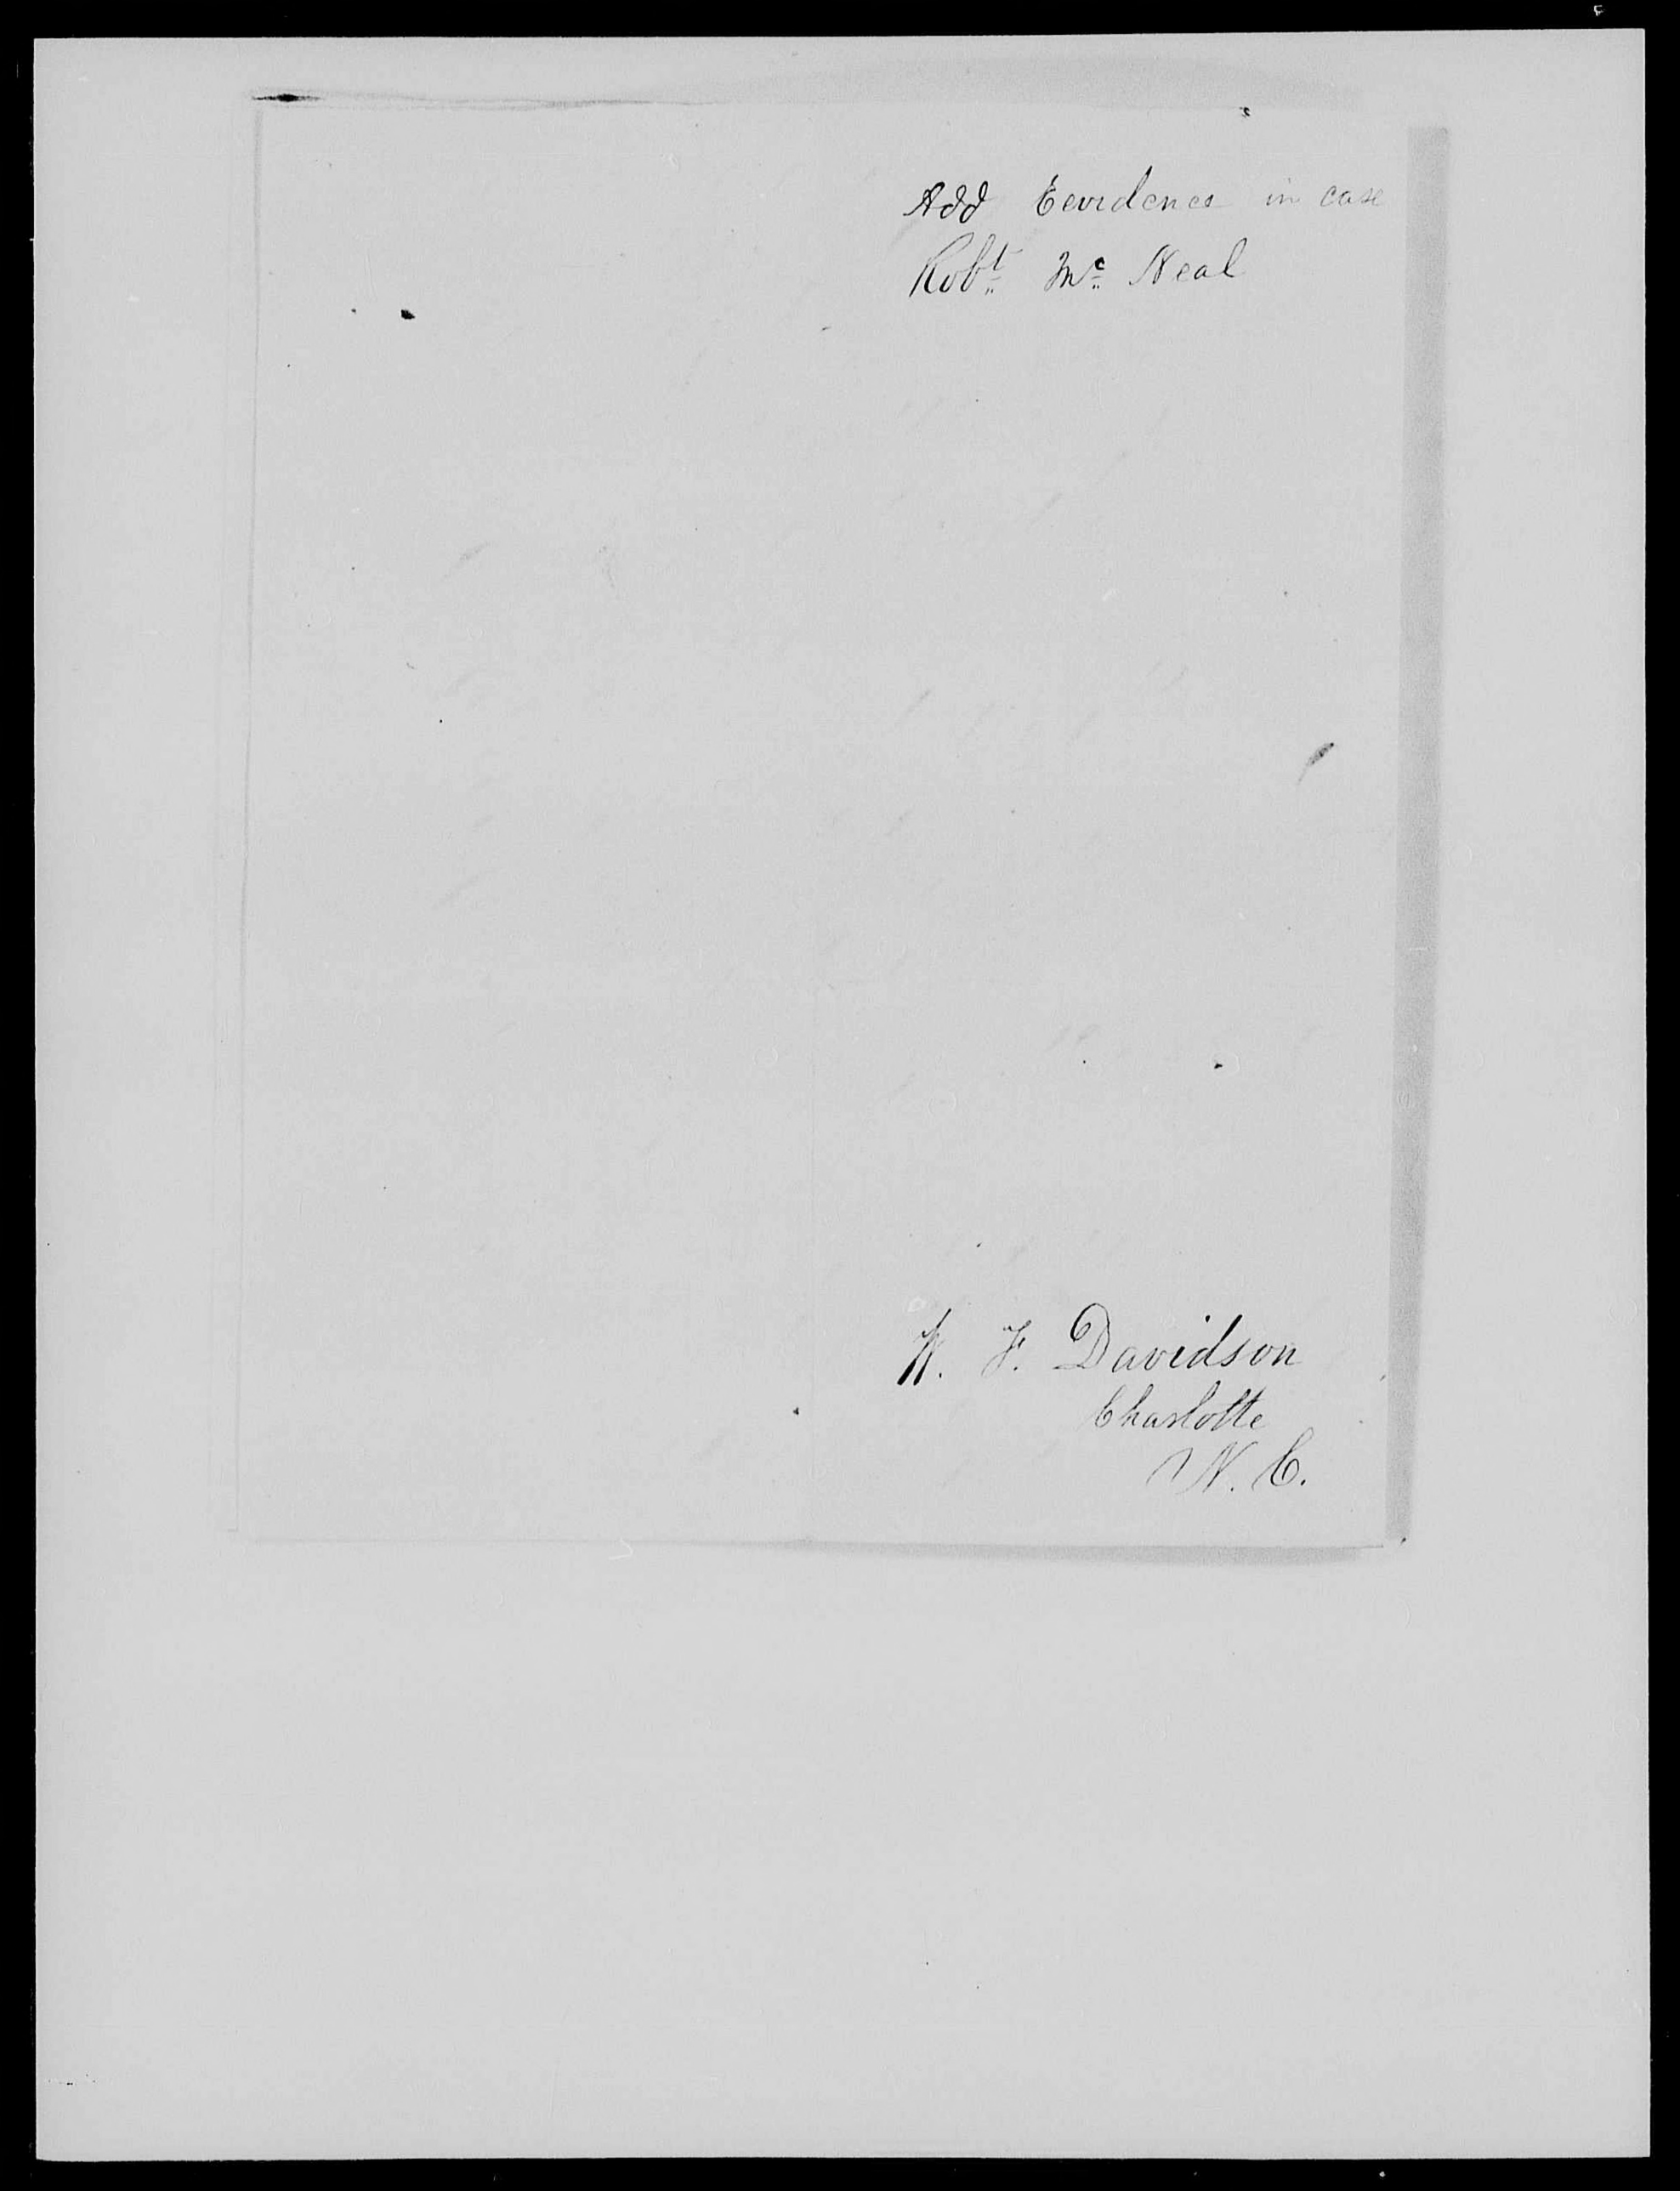Add'l Evidence in case
Robt McNeal

W. F. Davidson
Charlotte
N.C.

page: 11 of 13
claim: rejected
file: R. 6801, for Robert Mc Neely, Pennsylvania